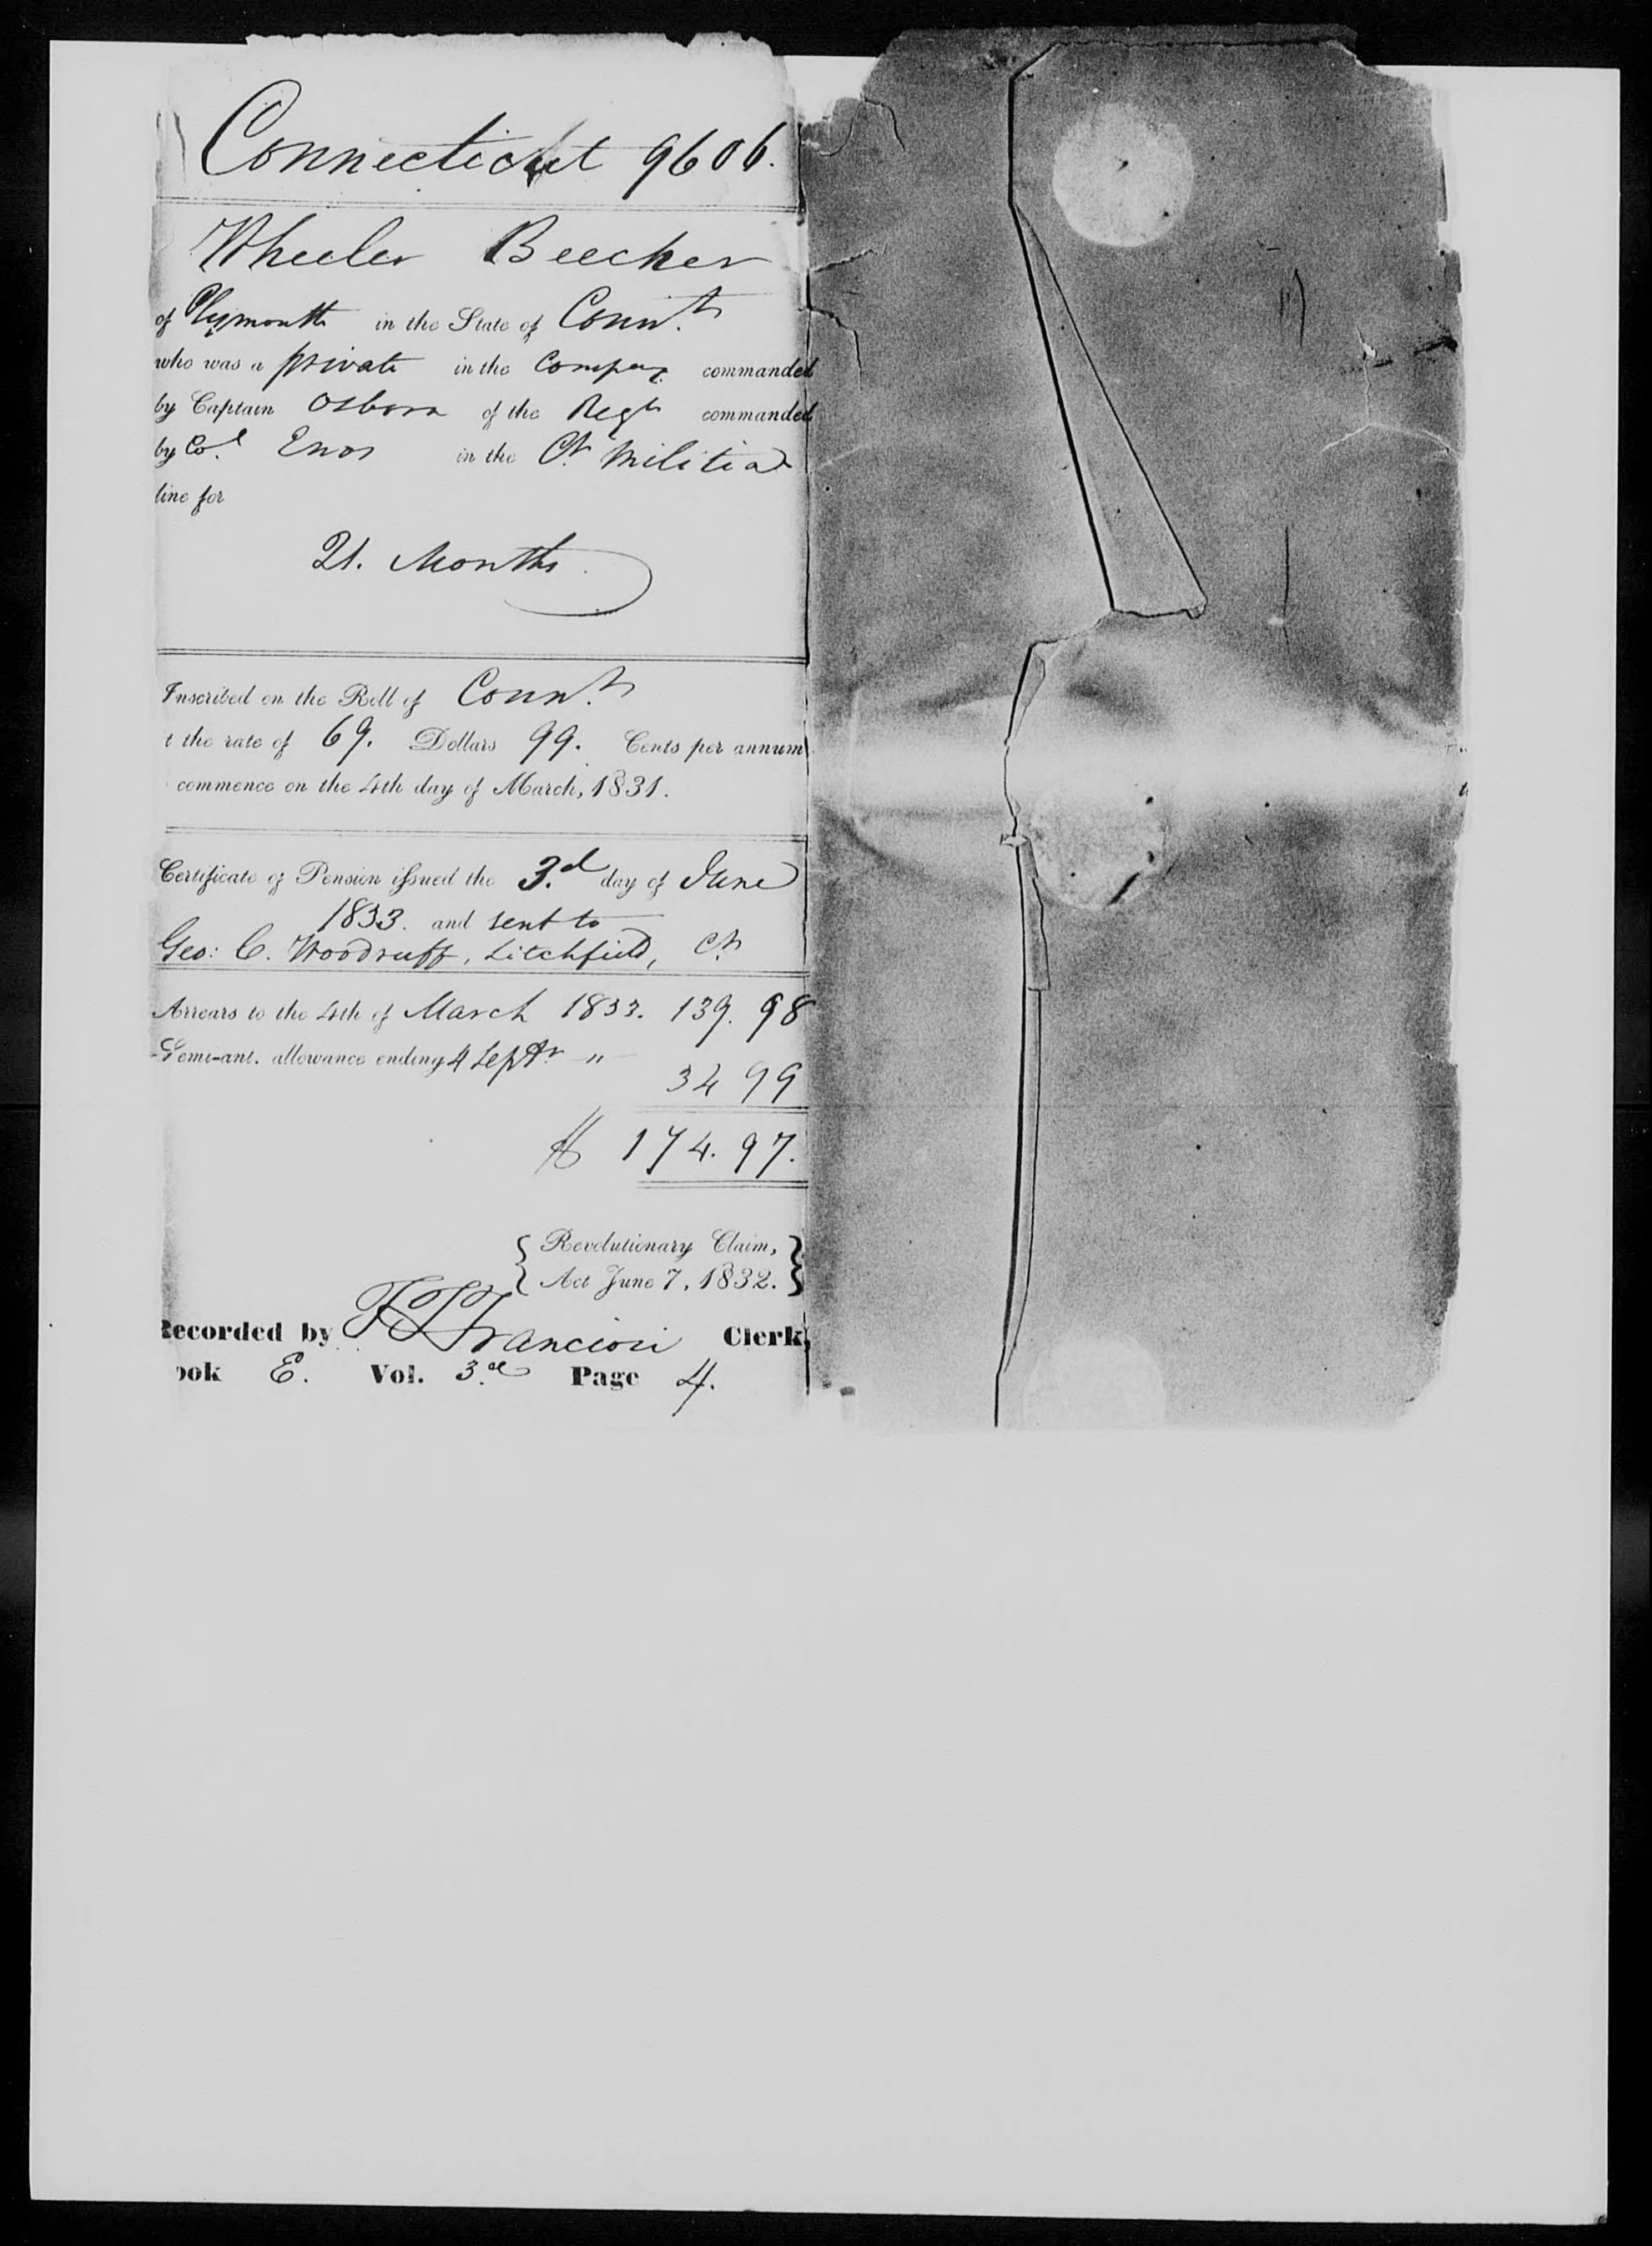Connecticutt 9606
Wheeler Beecher
of Plymouth in the State of Conn't
who was a private in the Company commanded by Captain Osborn of the Regt commanded by Col. Enos in the Ct Militia line for 21 Months

Inscribed on the Roll of Conn't
at the rate of 69 Dollars 99 Cents per annum to commence on the 4th day of March, 1831

Certificate of Pension issued the 3d day of June 1833 and sent to Geo. C. Woodruff, Litchfield, Ct

Arrears to the 4th of March 1837.   139.98
Semi-anl. allowance ending 4 Sept "  34.99
_______
$174.97

{Revolutionary Claim Act of June 7, 1832.}
Recorded by T T Franciori Clerk
Book E  Vol. 3rd Page 4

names: Enos, Osborn, T T Francious, Wheeler Beecher, Geo C Woodruff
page: 2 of 21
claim: survivor's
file: S. 14943, Wheeler Beecher, Conn.